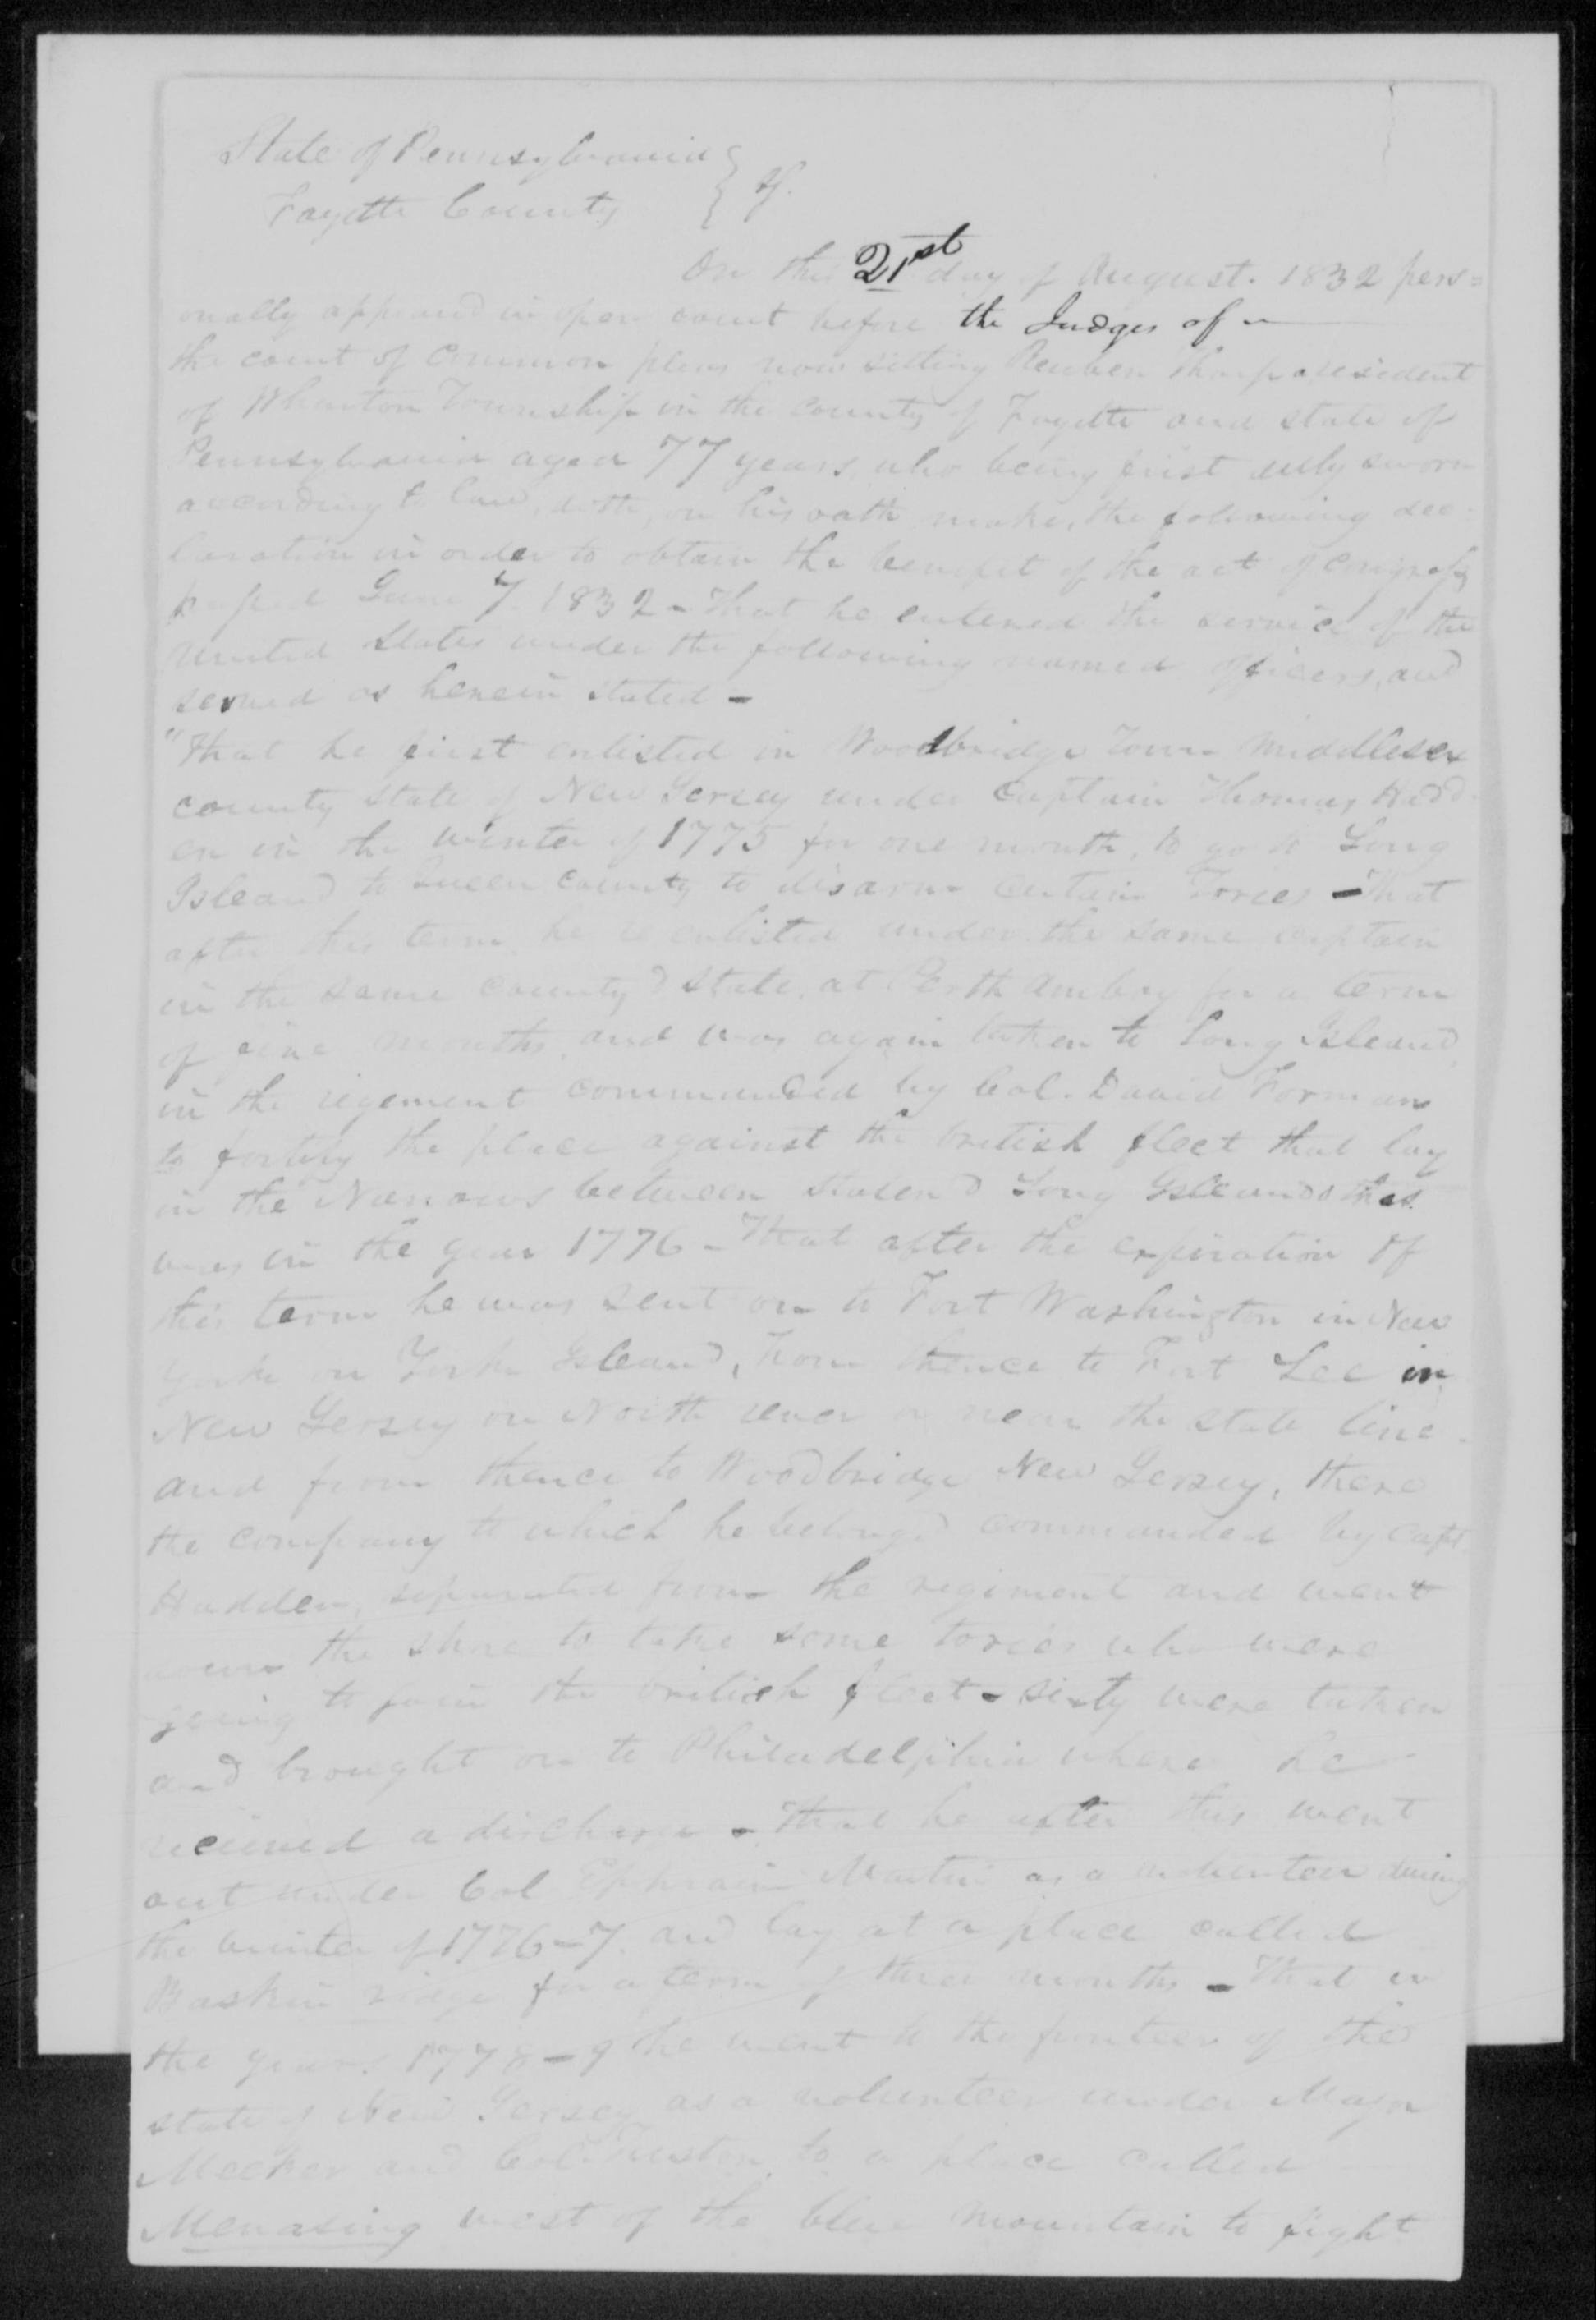State of Pennsylvania of
Fayette County
On the 21st day of August 1832 personally appeared in open court before the Judges of
the court of Common pleas now sitting Reuben Thorp a resident
of Wharton Township in the County of Fayette and State of
Pennsylvania aged 77 years who being first duly sworn
according to law, doth, on his oath make the following declaration in order to obtain the benefit of the act of Congress
[ineligible] June 7 1832 - That he entered the service of the
United States under the following named officers, and
served as herein stated
that he first enlisted in Woodbridge Town Middlesex
County State of New Jersey under Captain Thomas Hood
on in the winter of 1775 for one month, to go to Long
Island to Queen County to disarm certain forces - That
after this term he reenlisted under the same captain
in the same County & State at Perth Amboy for a term
of nine months and was again taken to Long Island
in the regiment commanded by Col. David Forman
to fortify the place against the British fleet that lay
in the Narrows between Staten Long land this was in the year 1776 - that after the expiration of
this term he was sent on to Fort Washington in New York
on York Island, from thence to Fort Lee in
New Jersey on North over or near the State line.
And from thence to Woodbridge New Jersey, there
the company to which he belonged commanded by Capt
Hadden separated from the regiment and went
down the shore to take some Tories who were
going to join the british fleet.  Sixty were taken
brought on to Philadelphia where he
received a discharge that he after this went
out under Col Ephraim Martin as a volunteer during the
winter of 1776-7 and lay at a place called
Baskin ridge for a term of three months- that in the year 1778, he went to the fronteer [sic] of the
State of New Jersey as a volunteer under Major Meeker and Col Tuston to a place called
Menasing west of the blue mountain to fight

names: David Forman; Thomas [BLANK]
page: 6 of 28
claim: survivor's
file: S. 6229, for Reuben Thorp, New Jersey